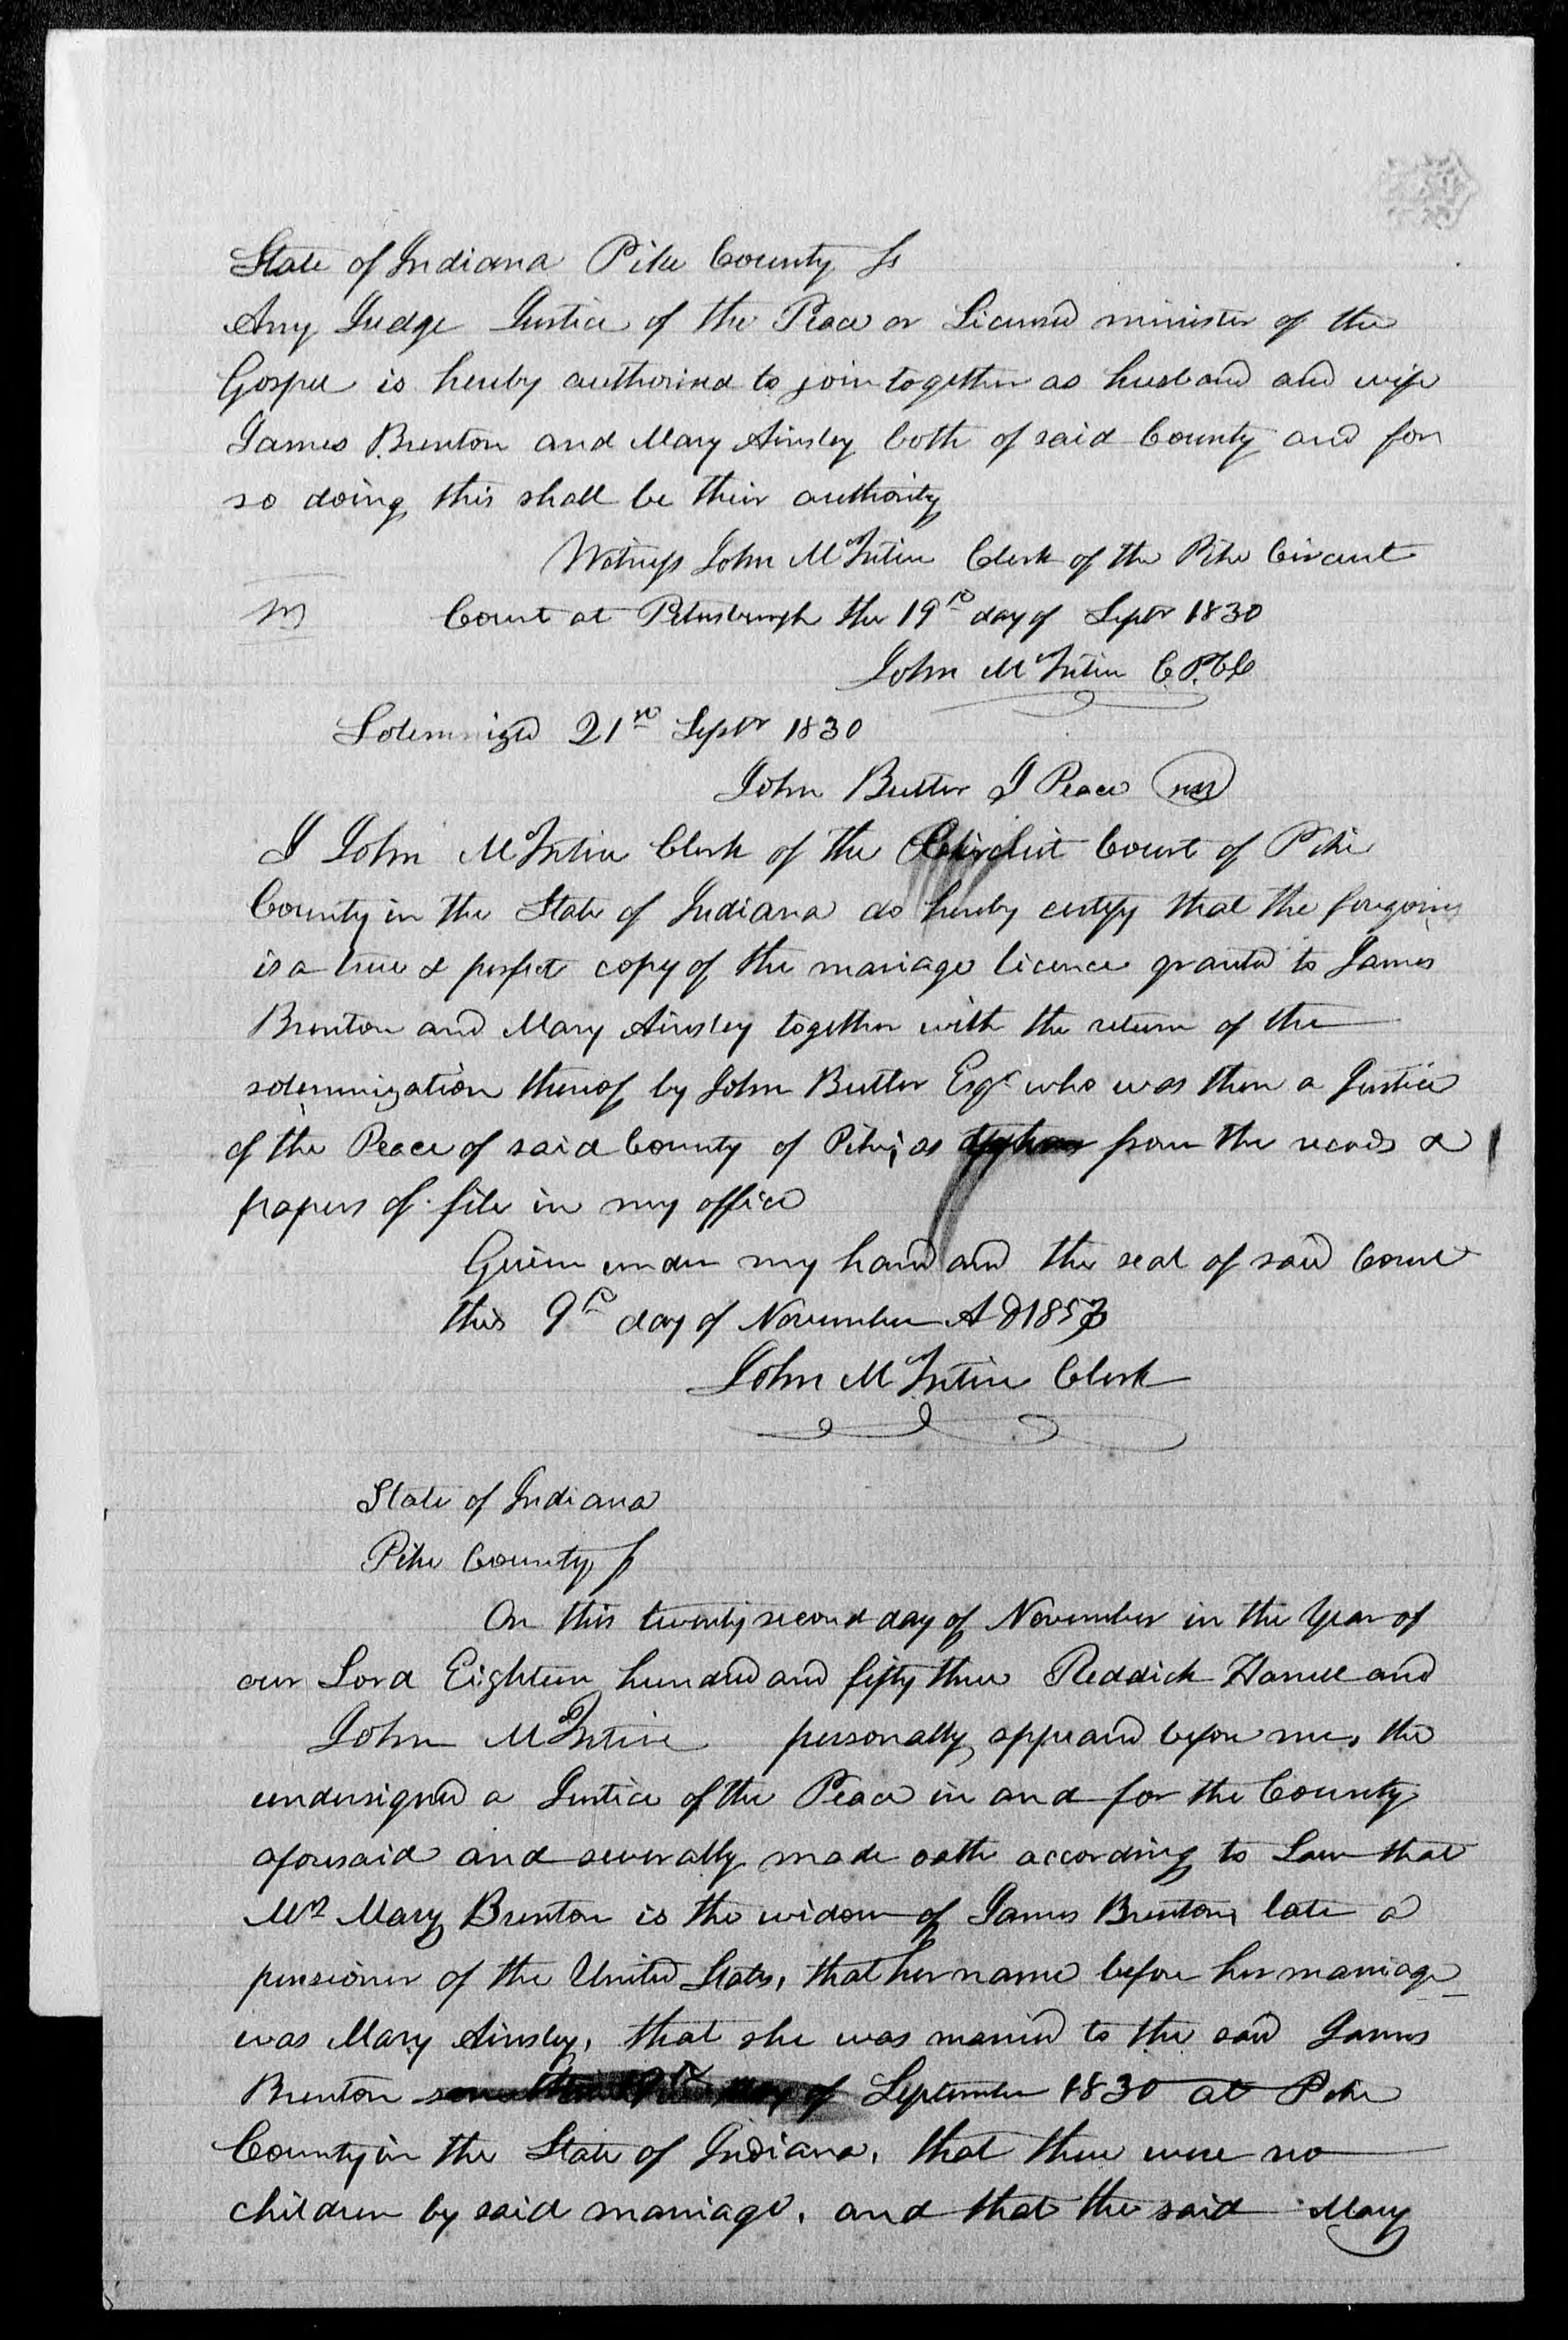State of Indiana Pike County}
Any Judge Justice of the Peace or Licensed minister of the Gospel is hereby authorized to join together as husband and wife James Brenton and Mary Ainsley both of said County and for so doing this shall be their authority. 
Witness John McIntire Clerk of the Pike Circuit Court at Petersburgh the 19th day of Sep 1830
John McIntier C. C. C.

Solemnized 21st Sept 1830
John Butler J Peace
I John McIntire Clerk of the Circuit Court of Pike County in the State of Indiana do hereby certify that the foregoing is a true & perfect copy of the marriage license granted to James Brenton and Mary Ainsley together with the return of the solemnization thereof of John Butler Esq who was then a Justice of the Peace of said county of Pike as taken from the words & papers of files in my office
Given under my hand and the seal of said court this 9th day of November AD 1830
John McIntire Clerk

State of Indiana
Pike County} ss
On this twenty seventh day of November in the year of our Lord eighteen hundred and fifty three Reddick Harrell and John McIntire personally appeared before me the undersigned a Justice of the Peace in and for the County aforesaid and severally made oath according to Law that Mrs Mary Brenton is the widow of James Brenton late a pensioner of the United States, that her name before her marriage was Mary Ainsley, that she was married to the said James Brenton September 1830 at Pike County in the State of Indiana, that there were no children by said marriage, and that the said Mary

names: James Brenton, John Mc Intire, John Mc Intire, Reddick Harrell, Mary Ainsley, John Mc Intire, James Brenton, James Brenton, John Mc Intire, Mary, Mary Ainsley, John Butler, James Brenton, John Mc Intire, Mary Ainsley, John Butler, Mary Brenton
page: 41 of 49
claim: widow's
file: W. 2518, James Brenton, Va.